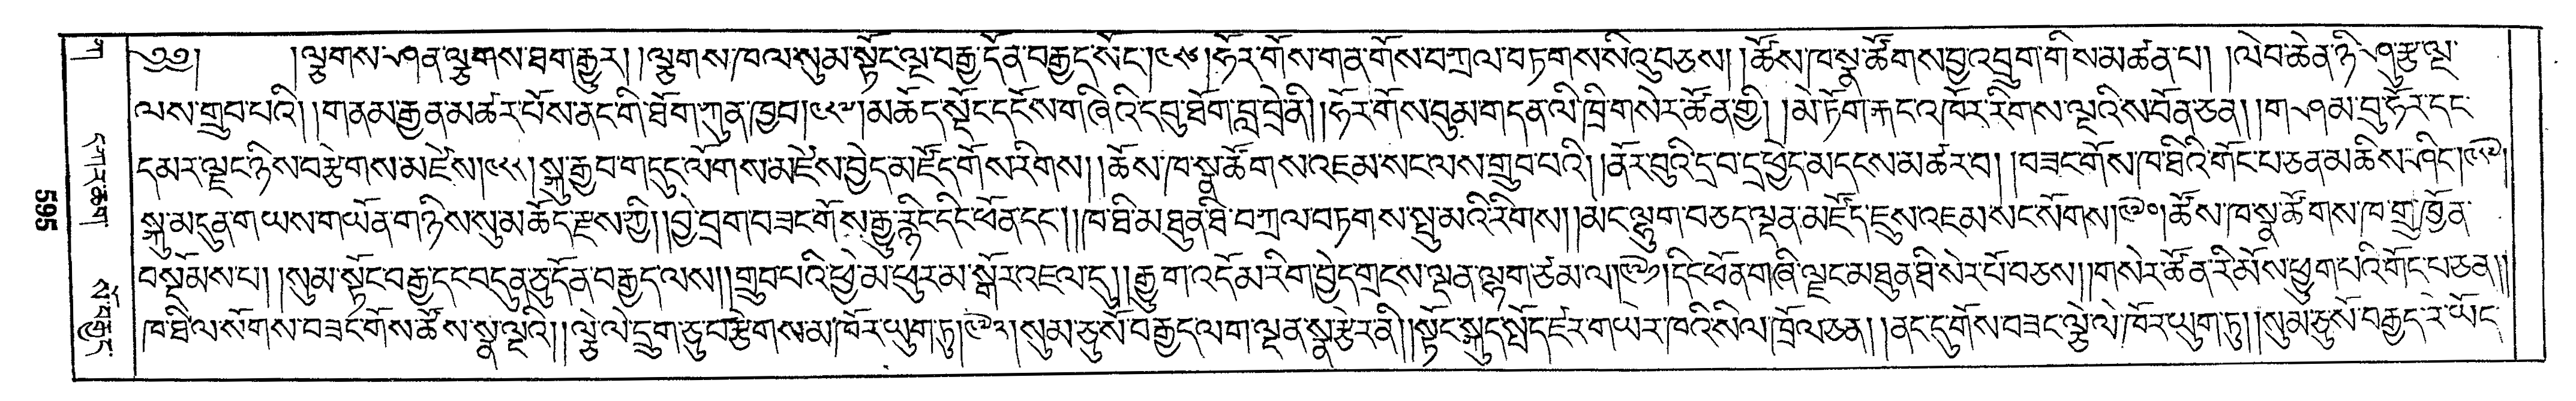༄༅། །ལྕགས་ཤན་ལྕགས་ཐག་རྒྱུར། །ལྕགས་ཁལ་སུམ་སྟོང་ལྔ་བརྒྱ་དོན་བརྒྱད་སོང་། ༤༤༦་།ཧོར་གོས་གན་གོས་བཀྲལ་བཏགས་སིའུ་བཅས། །ཚོས་ཁ་སྣ་ཚོགས་བྱ་འབྲུག་གིས་མཚན་པ། །ལེབ་ཆེན་ཉི་ཤུ་རྩ་ལྔ་
ལས་གྲུབ་པའི། །གནམ་རྒྱན་མཚར་པོས་ནང་གི་ཐོག་ཀུན་ཁྱབ། ༤༨༧་།མཆོད་སྡོང་དངོས་གཞིའི་དབུ་ཐོག་བླ་བྲེ་ནི། །ཧོར་གོས་བུམ་གདན་ལི་ཁྲི་གསེར་ཚོན་གྱི། །མེ་ཏོག་རྐང་འཁོར་རིགས་ལྔའི་ས་བོན་ཅན། །གཤམ་བུ་ཧོར་དར་
དམར་ལྗང་ཉིས་བརྩེགས་མཛེས། ༤༨༨་།སྐུ་རྒྱབ་གདུང་ལོགས་མཛེས་བྱེད་མཛོད་གོས་རིགས། །ཚོས་ཁ་སྣ་ཚོགས་འཇམ་སད་ལས་གྲུབ་པའི། །ནོར་བུའི་དྲ་བ་དྲ་ཕྱེད་མདངས་མཚར་བ། །བཟང་གོས་ཁ་ཐིའི་གོང་པ་ཅན་མཆིས་ཤིང་། ༤༨༧
སྐུ་མདུན་གཡས་གཡོན་གཉིས་སུ་མཆོད་རྫས་ཀྱི། །བྱེ་བྲག་བཟང་གོས་རྒྱུ་རྙིང་དིང་ཕོན་དང་། །ཁ་ཐི་མཐུན་ཐི་བཀྲལ་བཏགས་སྤུ་མའི་རིགས། །མང་ལྷུག་བཅད་ལྡན་མཛོད་ཇུས་འཇམ་སང་སོགས། ༤༧༠་།ཚོས་ཁ་སྣ་ཚོགས་ཁ་གྲུ་ཁྱོན་
བསྡོམས་པ། །སུམ་སྟོང་བརྒྱ་དང་བདུན་ཅུ་དོན་བརྒྱད་ལས། །གྲུབ་པའི་ཕྱེ་མ་ཕུར་མ་སྒོར་འཇལ་དུ། །རྒྱུག་འདོམ་རིགས་བྱེད་གྲངས་ལྡན་ལྷག་ཙམ་ལ། ༤༧༡་།དིང་ཕོན་གཞི་ལྗང་མཐུན་ཐི་སེར་པོ་བཅས། །གསེར་ཚོན་རི་མོས་ཕྱུག་པའི་གོང་པ་ཅན་
ཁ་ཐིལ་སོགས་བཟང་གོས་ཚོས་སྣ་ལྔའི། །ལྕེ་ལེ་དྲུག་ཅུ་བརྩེགས་མཁོར་ཡུག་ཏུ། ༤༧༢་།སུམ་ཅུ་སོ་བརྒྱད་ལག་ལྡན་སྣེ་རྩེར་ནི། །སྟོང་སྐུད་སྦོད་ཛར་གཡེར་ཁའི་སིལ་ཁྲོལ་ཅན། །ནང་དུ་གོས་བཟང་ལྕེ་ལེ་ཁོར་ཡུག་ཏུ། །སུམ་ཅུ་སོ་བརྒྱད་རེ་ཡོད་